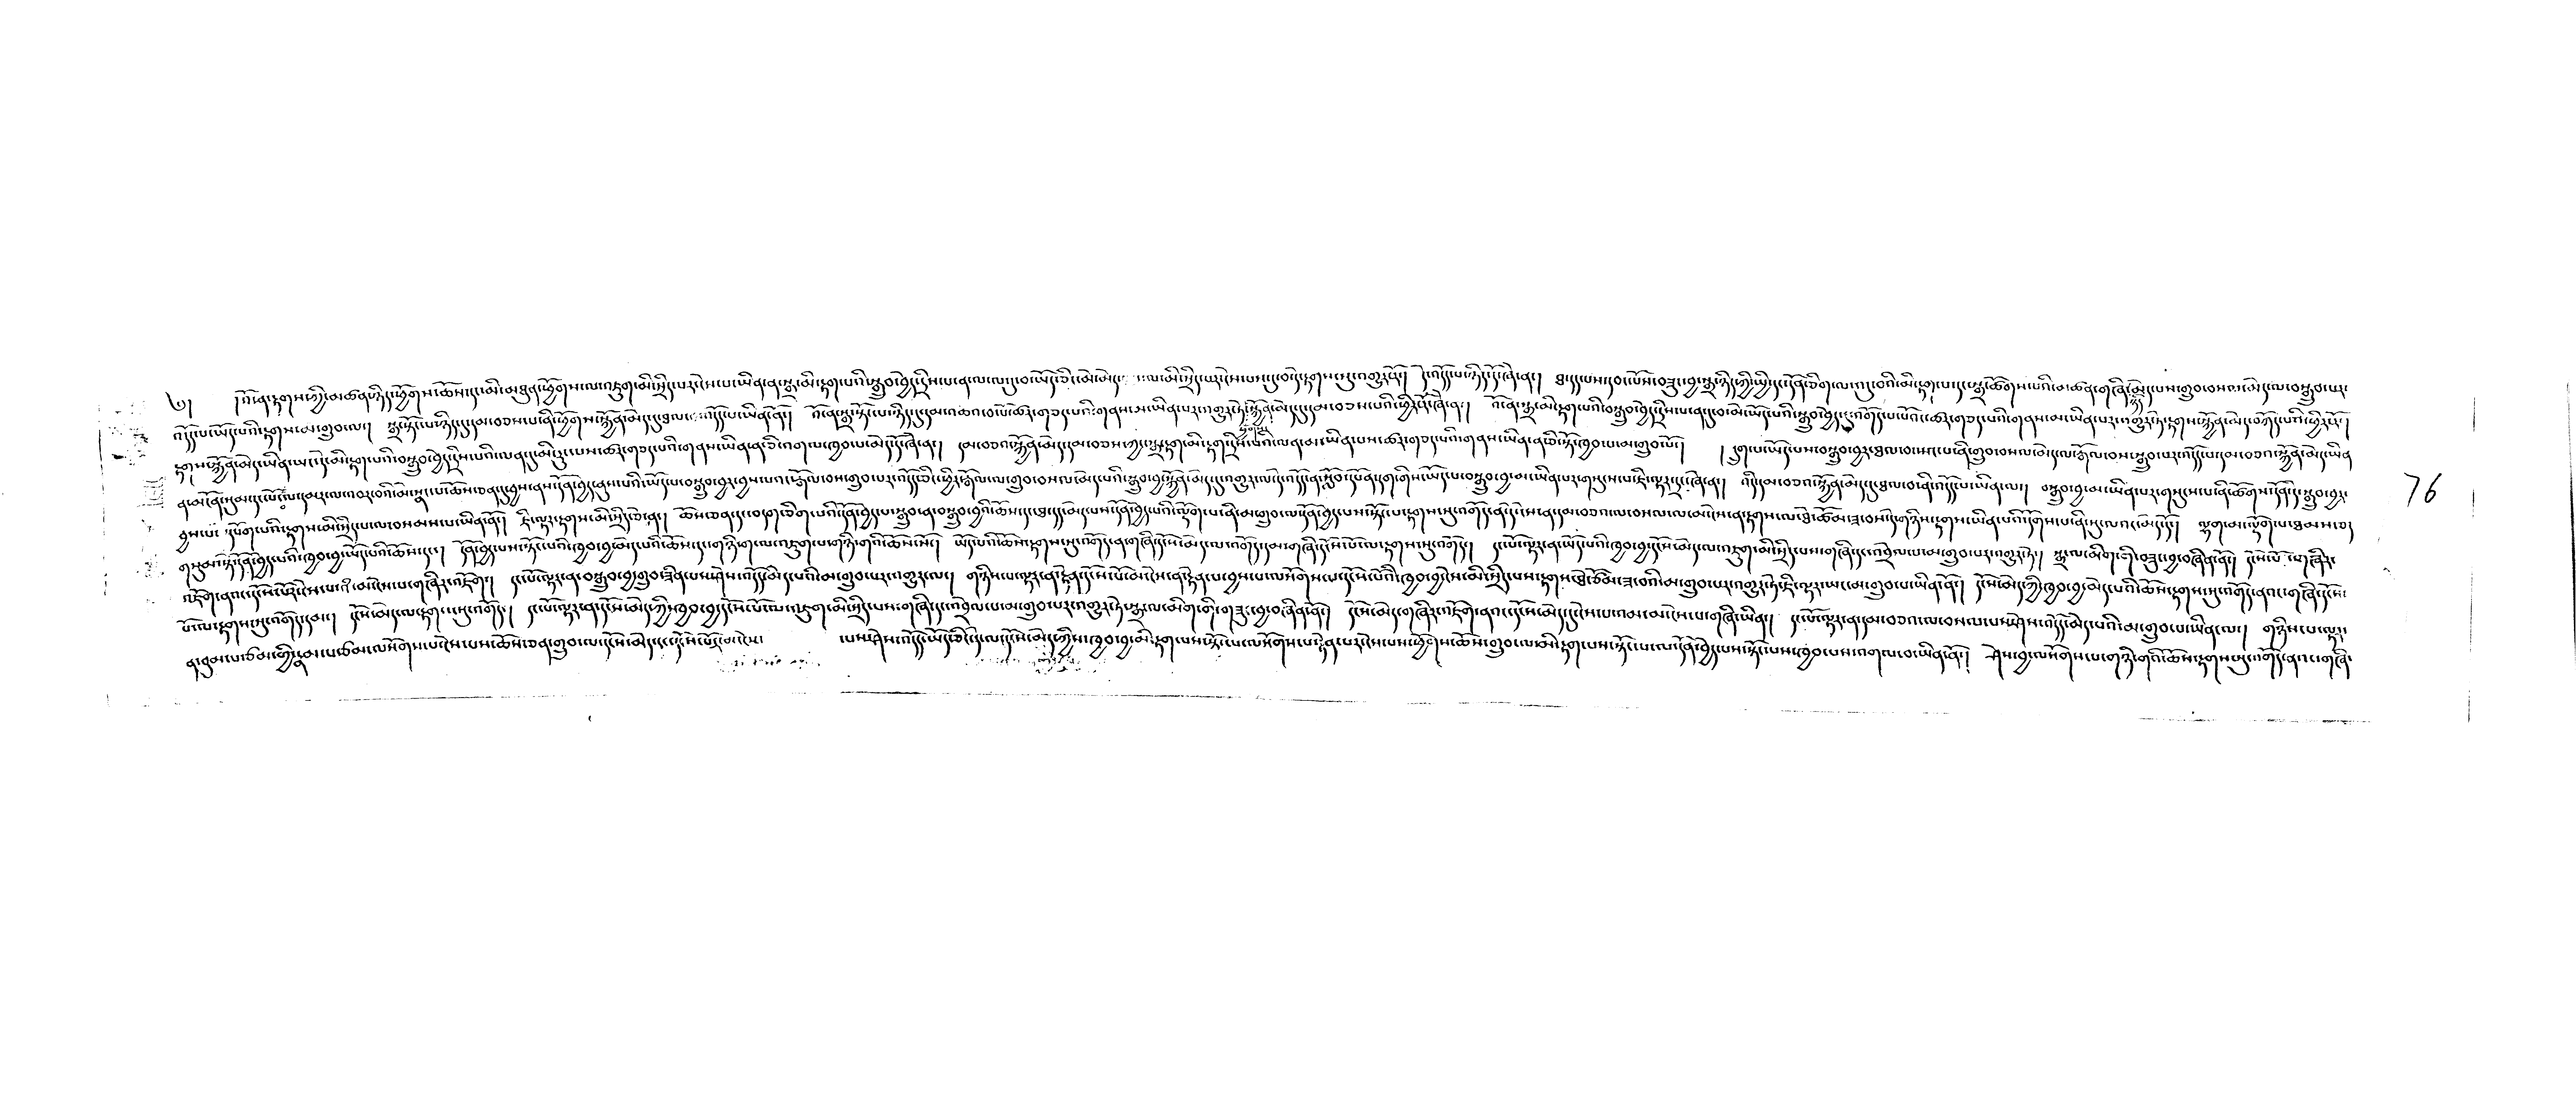༈། །འོ་ན་རྟགས་ཀྱི་མཚན་ཉིད་ཕྱོགས་ཆོས་དང་མི་མཐུན་ཕྱོགས་ལ་འཇུག་མི་སྲིད་པར་ངེས་པ་ཡིན་ན་སྒྲ་མི་རྟག་པའི་སྒྲུབ་བྱེད་དྲིས་པ་ན་ལ་ལ་དུ་བ་ཡོད་ཅིང་མེ་མེད་པ་ལ་མི་སྲིད་པར་ངེས་པས་དུ་བ་དེ་རྟགས་སུ་འགྱུར་རོ། དེ་འདོད་པ་ཉིད་དོ་ཞེ་ན། ཐ་དད་པས་དབང་པོས་བཟུང་བྱ་སྒྲ་ཉིད་ཀྱི་སྤྱི་དང་དོན་ཅིག་ལ་འདུ་བའི་མི་རྟག་པ་དང་སྒྲ་ཚོགས་པའི་མཚན་གཞི་སྟོད?་མེད་པས་གྲུབ་བསལ་མེད་ལ་བསྒྲུབ་པར་
འདོད་པ་ཡོད་པའི་རྟགས་མ་གྲུབ་ལ། སྒྲ་སྟོང་པ་ཉིད་དུ་དམ་བཅས་པ་ནི་ཕྱོགས་སྐྱོན་མེད་དུ་ཐལ་བ་འདོད་པ་ཡིན་ནོ། འོ་ན་སྒྲ་སྟོང་པ་ཉིད་དུ་དམ་འཆའ་བ་པོ་ཚར་གཅད་པའི་གནས་མ་ཡིན་པར་འགྱུར་ཏེ་ཕྱོགས་སྐྱོན་མེད་དུ་དམ་བཅས་པའི་ཕྱིར་རོ་ཞེ་ན། འོ་ན་སྒྲ་མི་རྟག་པའི་བསྒྲུབ་བྱེད་དྲིས་པ་ན་དུ་བ་མེ་ཡོད་པའི་སྒྲུབ་བྱེད་དུ་འགོད་པ་པོའང་ཚར་གཅད་པའི་གནས་མ་ཡིན་པར་འགྱུར་ཏེ་རྟགས་སྐྱོན་མེད་བཀོད་པའི་ཕྱིར་རོ།
རྟགས་སྐྱོན་མེད་ཡིན་ཡང་དེ་མི་རྟག་པའི་བསྒྲུབ་བྱེད་དྲིས་པའི་ལན་དུ་མི་རུང་པས་ཚར་གཅད་པའི་གནས་ཡིན་ན་ཅི་འགལ་ཁྱབ་པ་མེད་དོ་ཞེ་ན། དམ་བཅའ་སྐྱོན་མེད་དམ་བཅས་ཀྱང་སྒྲ་རྟག་མི་རྟག་དྲིས་པའི་ལན་མ་ཡིན་པས་ཚར་གཅད་པའི་གནས་ཡིན་ན་ཅི་སྟོ་ཁྱབ་པ་མ་གྲུབ་པོ། །དྲུག་པ་ཡོད་པས་བསྒྲུབ་བྱར་ཐལ་བ་སྤང་པ་ནི་གྲུབ་བསལ་མེད་ལ་རྒོལ་བས་སྒྲུབ་པར་འདོད་པ་དམ་བཅའ་སྐྱོན་མེད་ཡིན་
ན་མངོན་སུམ་དང་པོ་ལ་དམར་ལ་འབར་བའི་མེ་སྣང་པ་ཆོས་ཅན་དུ་བྱས་ནས་དོན་བྱེད་ནུས་པའི་ཡོད་པ་བསྒྲུབ་བྱར་བྱས་པའང་རྒོལ་བས་གྲུབ་པར་འདོད་ཅིང་ཕྱིར་རྒོལ་ལ་གྲུབ་བསལ་མེད་པའི་སྒྲུབ་བྱ་སྐྱོན་མེད་དུ་འགྱུར་ལ་དེ་འདོད་ན་སློབ་དཔོན་དག་གིས་ཡོད་པ་བསྒྲུབ་བྱ་མ་ཡིན་པར་གསུངས་པ་ཇི་ལྟར་དྲང་ཞེ་ན། འདི་དམ་བཅའ་སྐྱོན་མེད་དུ་ཐལ་བ་ནི་འདོད་པ་ཡིན་ལ། བསྒྲུབ་བྱ་མ་ཡིན་པར་གསུངས་པ་ནི་ཚོགས་དོན་དེ་སྒྲུབ་བྱར་
བྱས་པ་དཔོག་པའི་རྟགས་མི་སྲིད་པ་ལ་བསམས་པ་ཡིན་ནོ། ཇི་ལྟར་རྟགས་མི་སྲིད་ཅེ་ན། ཆོས་ཅན་དང་བདག་ཅིག་པའི་དོན་བྱེད་པ་སྒྲུབ་ན་བསྒྲུབ་བྱའི་ཆོས་དང་ཐ་དད་མེད་པས་དོན་བྱེད་པའི་ལྡོག་པ་ནི་མ་གྲུབ་ལ་དོན་བྱེད་པས་སྟོང་པ་རྟགས་སུ་འགོད་ན་དེ་ངེས་ན་དམ་བཅའ་ལ་བསལ་ལ་མ་ངེས་ན་རྟགས་ལ་ཐེ་ཚོམ་ཟ་བས་དེ་གཉིས་རྟགས་ཡིན་པའི་དགོས་པ་ནི་སུ་ལའང་མེད་དོ། ལྷག་མ་ལྡོག་པ་ཐམས་ཅད་
གསུམ་སྟེ་དོན་བྱེད་པའི་ཁྱབ་བྱ་ཡོད་པའི་ཆོས་དང་། དོན་བྱེད་པས་སྟོང་པའི་ཁྱབ་བྱ་མེད་པའི་ཆོས་དང་གཉི་ག་ལ་འཇུག་པ་གཉི་གའི་ཆོས་སོ། ཡོད་པའི་ཆོས་རྟགས་སུ་འགོད་ན་གཞི་དངོས་མེད་ལ་འགོད་དམ་གཞི་དངོས་པོ་ལ་རྟགས་སུ་འགོད། དང་པོ་ལྟར་ན་ཡོད་པའི་ཁྱབ་བྱ་དངོས་མེད་ལ་འཇུག་མི་སྲིད་པས་གཞི་དང་འབྲེལ་པ་མ་གྲུབ་པར་འགྱུར་ཏེ། སྒྲ་ལ་མིག་གི་བཟུང་བྱ་བཞིན་ནོ། དངོས་པོ་གཞིར་
འཇོག་ནའང་དངོས་པོར་ངེས་པ་འམ་མ་ངེས་པ་གཞིར་འཇོག། དང་པོ་ལྟར་ན་བསྒྲུབ་བྱ་གྲུབ་ཟིན་པས་ཤེས་འདོད་མེད་པའི་མ་གྲུབ་པར་འགྱུར་ལ། གཉིས་པ་ལྟར་ན་རྟེན་དངོས་པོ་མ་ངེས་ན་རྟེན་པ་བྱས་པ་ལ་སོགས་པ་དངོས་པོའི་ཁྱབ་བྱ་ངེས་མི་སྲིད་པས་རྟགས་ཐེ་ཙོམ་ཟ་བའི་མ་གྲུབ་པར་འགྱུར་ཏེ་ཇི་ལྟར་ཡང་མ་གྲུབ་པ་ཡིན་ནོ། དངོས་མེད་ཀྱི་ཁྱབ་བྱ་མེད་པའི་ཆོས་རྟགས་སུ་འགོད་ནའང་གཞི་དངོས་
པོ་ལ་རྟགས་སུ་འགོད་དམ། དངོས་མེད་ལ་རྟགས་སུ་འགོད། དང་པོ་ལྟར་ན་དངོས་མེད་ཀྱི་ཁྱབ་བྱ་དངོས་པོ་ལ་འཇུག་མི་སྲིད་པས་གཞི་དང་འབྲེལ་པ་མ་གྲུབ་པར་འགྱུར་ཏེ་སྒྲ་ལ་མིག་གི་གཟུང་བྱ་བཞིན་ནོ། དངོས་མེད་གཞིར་འཇོག་ནའང་དངོས་མེད་དུ་ངེས་པ་འམ་མ་ངེས་པ་གཞི་ཡིན། དང་པོ་ལྟར་ན་དམ་བཅའ་ལ་བསལ་པས་ཤེས་འདོད་མེད་པའི་མ་གྲུབ་པ་ཡིན་ལ། གཉིས་པ་ལྟར་
ན་བུམ་པ་ཙམ་གྱི་རྣམ་པ་ཙམ་ལ་སོགས་པ་ངེས་པས་ཆོས་ཅན་གྲུབ་ལ་དངོས་མེད་དང་དངོས་པོར་མ་ངེས་པས་ཤེས་འདོད་ཡོད་ཅིང་དེ་ལ་དངོས་མེད་ཀྱིས་ཁྱབ་བྱ་མི་རྟག་པས་སྟོང་པ་ལ་སོགས་པ་རྟེན་པར་ངེས་པས་ཕྱོགས་ཆོས་གྲུབ་ལ་མི་རྟག་པས་སྟོང་པ་ལ་དོན་བྱེད་པས་སྟོང་པས་ཁྱབ་པས་འགལ་བ་ཡིན་ནོ། ཤེས་བྱ་ལ་སོགས་པ་གཉི་གའི་ཆོས་རྟགས་སུ་འགོད་ནའང་གཞི་